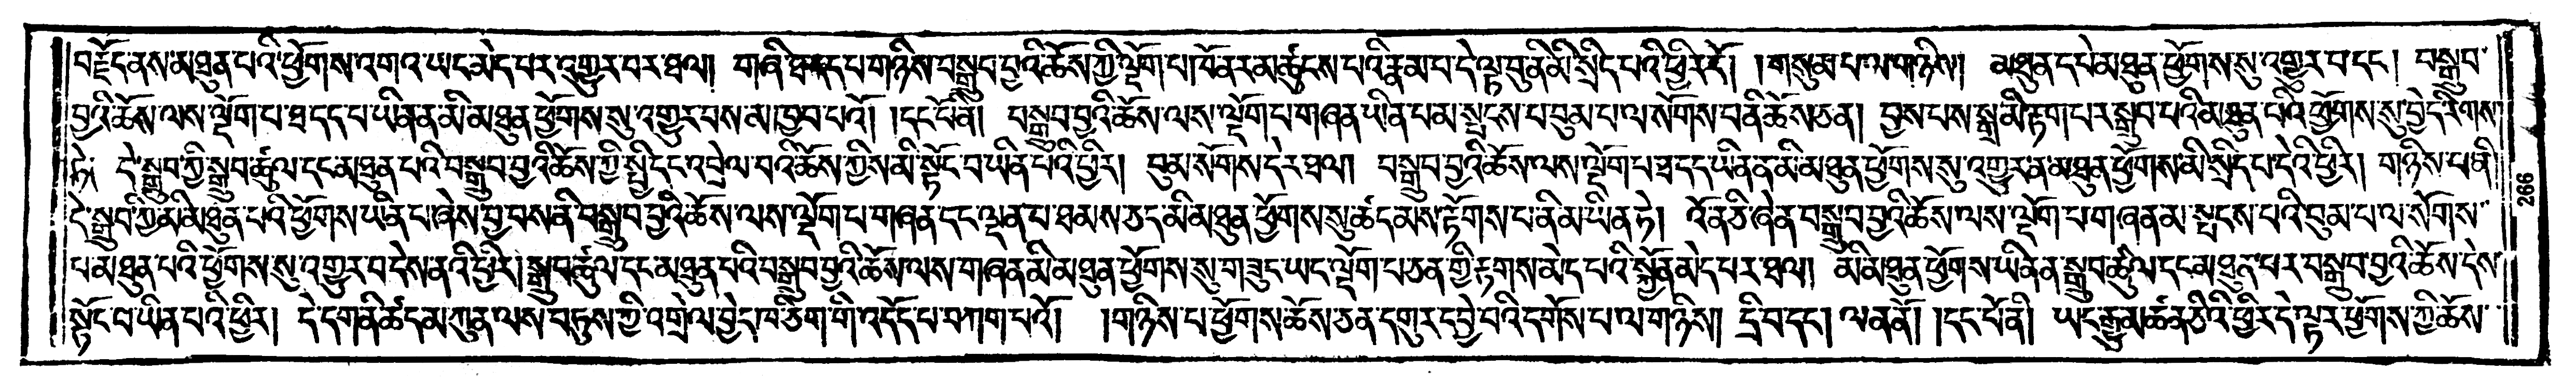བརྗོད་ནས་མཐུན་པའི་ཕྱོགས་འགའ་ཡང་མེད་པར་འགྱུར་བར་ཐལ། གཞི་ཐ་དད་པ་གཉིས་བསྒྲུབ་བྱའི་ཆོས་ཀྱི་ལྡོག་པ་ཁོ་ནར་མཚུངས་པའི་རྣམ་པ་དེ་ལྟ་བུ་ནི་མི་སྲིད་པའི་ཕྱིར་རོ། །གསུམ་པ་ལ་གཉིས། མཐུན་དཔེ་མཐུན་ཕྱོགས་སུ་འགྱུར་བ་དང་། བསྒྲུབ་
བྱའི་ཆོས་ལས་ལྡོག་པ་ཐ་དད་པ་ཡིན་ན་མི་མཐུན་ཕྱོགས་སུ་འགྱུར་བས་མ་ཁྱབ་པའོ། །དང་པོ་ནི། བསྒྲུབ་བྱའི་ཆོས་ལས་ལྡོག་པ་གཞན་ཡིན་པ་མ་སྤངས་པ་བུམ་པ་ལ་སོགས་པ་ནི་ཆོས་ཅན། བྱས་པས་སྒྲ་མི་རྟག་པར་སྒྲུབ་པའི་མཐུན་པའི་ཕྱོགས་སུ་བྱེད་རིགས་
ཏེ༑ དེ་སྒྲུབ་ཀྱི་སྒྲུབ་ཚུལ་དང་མཐུན་པའི་བསྒྲུབ་བྱའི་ཆོས་ཀྱི་སྤྱི་དང་འབྲེལ་བའི་ཆོས་ཀྱིས་མི་སྟོང་བ་ཡིན་པའི་ཕྱིར། བུམ་སོགས་དེར་ཐལ། བསྒྲུབ་བྱའི་ཆོས་ལས་ལྡོག་པ་ཐ་དད་ཡིན་ན་མི་མཐུན་ཕྱོགས་སུ་འགྱུར་ན་མཐུན་ཕྱོགས་མི་སྲིད་པ་དེའི་ཕྱིར། གཉིས་པ་ནི།
དེ་སྒྲུབ་ཀྱི་མི་མཐུན་པའི་ཕྱོགས་ཡིན་པ་ཞེས་བྱ་བས་ནི་བསྒྲུབ་བྱའི་ཆོས་ལས་ལྡོག་པ་གཞན་དང་ལྡན་པ་ཐམས་ཅད་མི་མཐུན་ཕྱོགས་སུ་ཚད་མས་རྟོགས་པ་ནི་མ་ཡིན་ཏེ། འོ་ན་ཅི་ཞེ་ན་བསྒྲུབ་བྱའི་ཆོས་ལས་ལྡོག་པ་གཞན་མ་སྤངས་པའི་བུམ་པ་ལ་སོགས་
པ་མཐུན་པའི་ཕྱོགས་སུ་འགྱུར་བ་དེས་ནའི་ཕྱིར། སྒྲུབ་ཚུལ་དང་མཐུན་པའི་བསྒྲུབ་བྱའི་ཆོས་ལས་གཞན་མི་མཐུན་ཕྱོགས་སུ་གཟུང་ཡང་ལྡོག་པ་ཅན་གྱི་རྟགས་མེད་པའི་སྐྱོན་མེད་པར་ཐལ། མི་མཐུན་ཕྱོགས་ཡིན་ན་སྒྲུབ་ཚུལ་དང་མཐུན་པར་བསྒྲུབ་བྱའི་ཆོས་དེས་
སྟོང་པ་ཡིན་པའི་ཕྱིར། དེ་དག་ནི་ཚད་མ་ཀུན་ལས་བཏུས་ཀྱི་འགྲེལ་བྱེད་ཁ་ཅིག་གི་འདོད་པ་བཀག་པའོ། །གཉིས་པ་ཕྱོགས་ཆོས་ཅན་དགུར་དབྱེ་བའི་དགོས་པ་ལ་གཉིས། དྲི་བ་དང་། ལན་ནོ། །དང་པོ་ནི། ཡང་རྒྱུ་མཚན་ཅིའི་ཕྱིར་དེ་ལྟར་ཕྱོགས་ཀྱི་ཆོས་